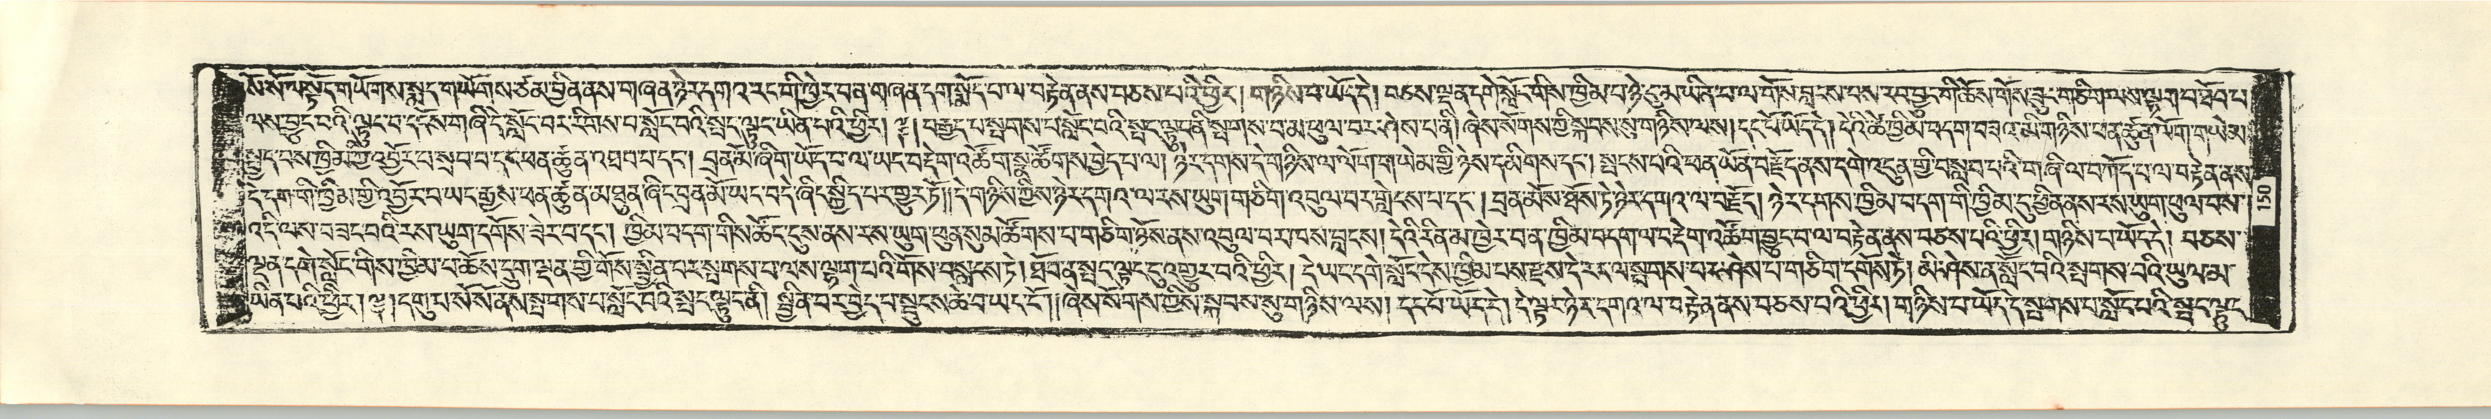སོ་སོ་ལ་སྟོད་གཡོགས་སྨད་གཡོགས་ཙམ་བྱིན་ནས་གཞན་ཉེར་དགའ་རང་གི་ཁྱེར་བ་ན་གཞན་དག་སྨོད་པ་ལ་བརྟེན་ནས་བཅས་པའི་ཕྱིར། གཉིས་པ་ཡོད་དེ། བཅས་ལྡན་དགེ་སློང་གིས་ཁྱིམ་པ་ཉེ་དུ་མ་ཡིན་པ་ལ་གོས་བླངས་པས་རབ་བྱུང་གི་ཆོས་གོས་ཟུང་གཅིག་ལས་ལྷག་བ་ཐོབ་པ་
ལས་བྱུང་བའི་ལྟུང་བ་དངོས་གཞི་དེ་སློང་བར་རིགས་བ་སློང་བའི་སྤང་ལྟུང་ཡིན་པའི་ཕྱིར། ༈ །བརྒྱད་པ་སྤགས་པ་སློང་བའི་སྤང་ལྟུང་ནི་སྤགས་བ་མ་ཕུལ་བར་ཤེས་པ་ནི། ཞེས་སོགས་ཀྱི་སྐབས་སུ་གཉིས་ལས། དང་པོ་ཡོད་དེ། དེའི་ཚེ་ཁྱི་མ་བདག་བཟའ་མི་གཉིས་ཕན་ཚུན་ལོག་གཡེམ་
སྤྱད་པས་ཁྱིམ་ཀྱི་འབྱོར་བ་སྲབ་བ་དང་ཕན་ཚུན་འཐབ་པ་དང་། བྲན་མོ་ཞིག་ཡོད་པ་ལ་ཡང་བརྡེག་འཚོག་སྣ་ཚོགས་བྱེད་པ་ལ། ཉེར་དགས་དེ་གཉིས་ལ་ལོག་གཡེམ་གྱི་ཉེས་དམིགས་དང་། སྤངས་པའི་ཕན་ཡོན་བརྗོད་ནས་དགེ་འདུན་གྱི་བསླབ་པའི་གཞི་ལ་བཀོད་པ་ལ་བརྟེན་ནས་
དེ་དག་གི་ཁྱིམ་གྱི་འབྱོར་བ་ཡང་རྒྱས་ཕན་ཚུན་མཐུན་ཞིང་བྲན་མོ་ཡང་བདེ་ཞིང་སྐྱིད་པར་གྱུར་ཏོ། །དེ་གཉིས་ཀྱིས་ཉེར་དགའ་ལ་རས་ཡུག་གཅིག་འབུལ་བར་གླེངས་པ་དང་། བྲན་མོས་ཐོས་ཏེ་ཉེར་དགའ་ལ་བརྗོད། ཉེར་དགས་ཁྱིམ་བདག་གི་ཁྱིམ་དུ་ཕྱིན་ནས་རས་ཡུག་ཕུལ་བས་
འདི་ལས་བཟང་བའི་རས་ཡུག་དགོས་ཟེར་བ་དང་། ཁྱིམ་བདག་གིས་ཆོད་དུས་ནས་རས་ཡུག་ཕུན་སུམ་ཚོགས་པ་གཅིག་ཉོས་ནས་འབུལ་བར་ཁས་བླངས། དེའི་རིན་མ་ཁྱེར་བ་ན་ཁྱིམ་བདག་ལ་བརྡེག་འཚོག་བྱུང་བ་ལ་བརྟེན་ནས་བཅས་པའི་ཕྱིར། གཉིས་པ་ཡོད་དེ། བཅས་
ལྡན་དགེ་སློང་གིས་ཁྱིམ་པ་ཆོས་དྲུག་ལྡན་གྱི་གོས་སྦྱིན་པར་སྤགས་པ་ལས་ལྷག་པའི་གོས་བསླངས་ཏེ། ཐོབ་ན་སྤང་ལྟུང་དུ་འགྱུར་བའི་ཕྱིར། དེ་ཡང་དགེ་སློང་དེས་ཁྱིམ་པས་རྫས་དེ་རང་ལ་སྤགས་བར་ཤེས་པ་གཅིག་དགོས་ཏེ། མི་ཤེས་ན་སློང་བའི་སྤགས་པའི་ཡུལ་མ་
ཡིན་པའི་ཕྱིར། ༈ །དགུ་པ་སོ་སོ་ནས་སྤགས་པ་སློང་བའི་སྤང་ལྟུང་ནི། སྦྱིན་པར་བྱེད་པ་སྤུངས་ཆེ་བ་ཡང་ངོ། །ཞེས་སོགས་ཀྱིས་སྐབས་སུ་གཉིས་ལས། དང་པོ་ཡོད་དེ། དེ་ལྟར་ཉེར་དགའ་ལ་བརྟེན་ནས་བཅས་པའི་ཕྱིར། གཉིས་པ་ཡོད་དེ་སྤགས་པ་སློང་བའི་སྤང་ལྟུང་